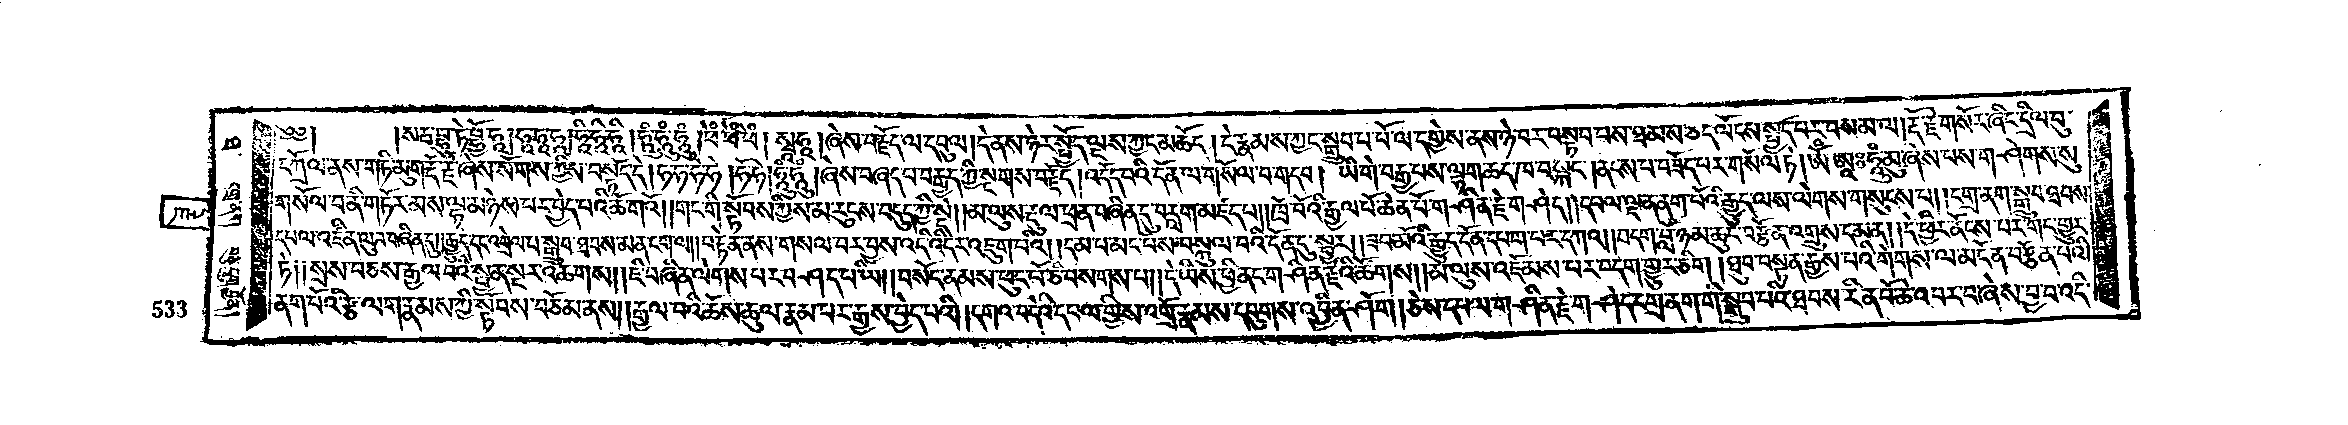༄༅། །སརྦ་བྷུ་ཏེ་བྷྱོ་ཧཱ། ཧཱ་ཧཱ་ཧཱ། ཧཱི་ཧཱི་ཧཱི། ཧཱུཾ་ཧཱུཾ་ཧཱུཾ། ཕེཾ་ཕེཾ་ཕེཾ། སྭཱཧཱ། ཞེས་བརྗོད་ལ་དབུལ། དེ་ནས་ཉེར་སྤྱོད་ལྔས་ཀྱང་མཆོད། དེ་རྣམས་ཀྱང་སྒྲུབ་པ་པོ་ལ་དགྱེས་ནས་ཉེ་བར་བསྟབ་པས་ཐམས་ཅད་ལོངས་སྤྱོད་པར་བསམ་ལ། རྡོ་རྗེ་གསོར་ཞིང་དྲིལ་བུ་
དཀྲོལ་ནས་གི་མུག་རྡོ་རྗེ་ཞེས་སོགས་ཀྱིས་བསྟོད་དེ། ཧ་ཧ་ཧེ་ཧེ། ཧོ་ཧེ། ཧཱུཾ་ཧཱུཾ། ཞེས་བཞད་པ་བརྒྱད་ཀྱི་སྔགས་བརྗོད། འདོད་པའི་དོན་ལ་གསོལ་བ་གདབ། ཡི་གེ་བརྒྱ་པས་ལྷག་ཆད་ཁ་བསྐང་། ནོངས་པ་བཟོད་པར་གསོལ་ཏེ། ཨོཾ་ཨཱཿ ཧཱུཾ་མུ་ཞེས་པས་གཤེགས་སུ་
གསོལ་བ་ནི་གཏོར་མས་ལྷ་མཉེས་པར་བྱེད་པའི་ཆོ་གའོ། །གང་གི་སྟོབས་ཀྱིས་མ་རུངས་བདུད་ཀྱི་སྡེ། །མ་ལུས་རྡུལ་ཕྲན་བཞིན་དུ་བརླག་མཛད་པ། །ཁྲོ་བོའི་རྒྱལ་པོ་ཆེན་པོ་གཤིན་རྗེ་གཤེད། །དཔལ་ལྡན་ནག་པོའི་རྒྱུད་ལས་ལེགས་གསུངས་པ། །དགྲ་ནག་སྒྲུབ་ཐབས་
དཔལ་འཛིན་ལུགས་བཞིན་དུ། །རྒྱུད་དང་འབྲེལ་པ་སྒྲུབ་ཐབས་མན་ངག་ལ། །བརྟེན་ནས་གསལ་བར་བྱས་འདི་འདིར་འཇུག་པའི། །དམ་པ་མང་པོས་བསྐུལ་བའི་དོན་དུ་སྦྱར། །ཟབ་མོའི་རྒྱུད་དོན་དཔག་པར་དཀའ། །བདག་བློ་ཉམ་ཆུང་བརྩོན་འགྲུས་དམན། །དེ་ཕྱིར་ནོངས་པར་གང་གྱུར་
ཏེ། །སྲས་བཅས་རྒྱལ་བའི་སྤྱན་སྔར་འཆགས། །ཇི་བཞིན་ལེགས་པར་བཤད་པ་ཡི། །བསོད་ནམས་ཕུང་པོ་ཅི་བསགས་པ། །དེ་ཡིས་ཕྱི་ནང་གཤིན་རྗེའི་ཚོགས། །མ་ལུས་འཇོམས་པར་བདག་གྱུར་ཅིག །ཐུབ་བསྟན་རྒྱས་པའི་གེགས་ལ་མངོན་བརྩོན་པའི།
ནག་པོའི་རྩེ་ལག་རྣམས་ཀྱི་སྟོབས་བཅོམ་ནས། །རྒྱལ་བའི་ཆོས་ཚུལ་རྣམ་པར་རྒྱས་བྱེད་པའི། །དགའ་བདེའི་དཔལ་གྱིས་འགྲོ་རྣམས་དབུགས་འབྱིན་ཤོག །ཅེས་དཔལ་གཤིན་རྗེ་གཤེད་དགྲ་ནག་གི་སྒྲུབ་པའི་ཐབས་རིན་པོ་ཆེ་འབར་བ་ཞེས་བྱ་བ་འདི་